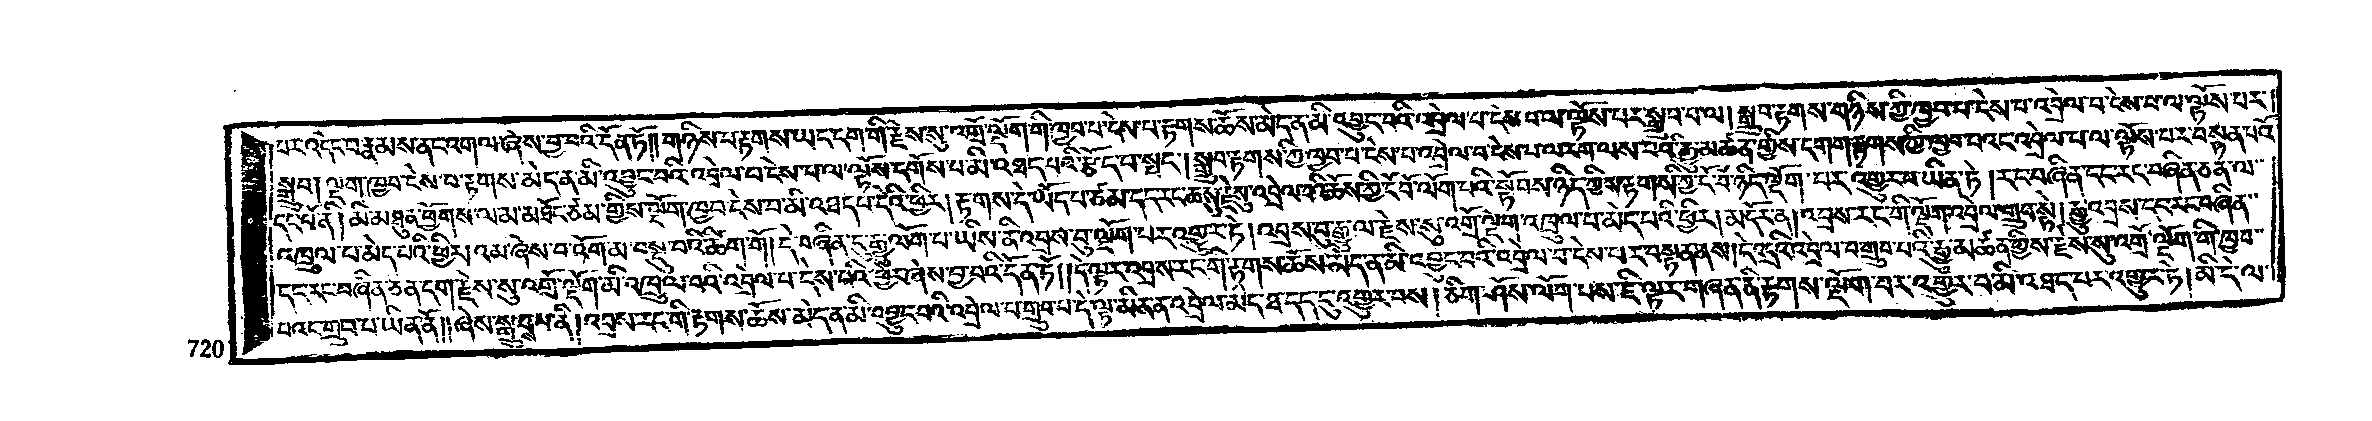པར་འདེང་བ་རྣམས་ནང་འགལ་ཞེས་བྱ་བའི་དོན་ཏོ། །གཉིས་པ་རྟགས་ཡང་དག་གི་རྗེས་སུ་འགྲོ་ལྡོག་གི་ཁྱབ་པ་ངེས་པ་རྟགས་ཆོས་མེད་ན་མི་འབྱུང་བའི་འབྲེལ་བ་ངེས་པ་ལ་ལྟོས་པར་སྒྲུབ་པ་ལ། སྒྲུབ་རྟགས་གཉིས་ཀྱི་ཁྱབ་པ་ངེས་པ་འབྲེལ་བ་ངེས་པ་ལ་ལྟོས་པར་
སྒྲུབ། ལྡོག་ཁྱབ་ངེས་པ་རྟགས་མེད་ན་མི་འབྱུང་བའི་འབྲེལ་བ་ངེས་པ་ལ་ལྟོས་དགོས་པ་མི་འཐད་པའི་རྩོད་པ་སྤང་། སྒྲུབ་རྟགས་ཀྱི་ཁྱབ་པ་ངེས་པ་འབྲེལ་བ་ངེས་པ་ལ་རག་ལས་པའི་རྒྱུ་མཚན་གྱིས་དགག་རྟགས་ཀྱི་ཁྱབ་པའང་འབྲེལ་བ་ལ་ལྟོས་པར་བསྟན་པའོ།།
དང་པོ་ནི། མི་མཐུན་ཕྱོགས་ལ་མ་མཐོང་ཙམ་གྱིས་ལྡོག་ཁྱབ་ངེས་པ་མི་འཐད་པ་དེའི་ཕྱིར། རྟགས་དེ་ཡོད་པ་ཙམ་དང་རང་ཆས་སུ་རྗེས་སུ་འབྲེལ་བའི་ཆོས་ཀྱི་ངོ་བོ་ལོག་པའི་སྟོབས་ཉིད་ཀྱིས་རྟགས་ཀྱི་ངོ་བོ་ཉིད་ལྡོག་པར་འགྱུར་བ་ཡིན་ཏེ། རང་བཞིན་དང་རང་བཞིན་ཅན་ལ་
འཁྲུལ་པ་མེད་པའི་ཕྱིར། འམ་ཞེས་པ་འོག་མ་བསྡུ་བའི་ཚིག་གོ །དེ་བཞིན་དུ་རྒྱུ་ལོག་པ་ཡིས་ནི་འབྲས་བུ་ལྡོག་པར་འགྱུར་ཏེ། འབྲས་བུ་རྒྱུ་ལ་རྗེས་སུ་འགྲོ་ལྡོག་འཁྲུལ་པ་མེད་པའི་ཕྱིར། མདོར་ན། འབྲས་རང་གི་ལྡོག་འབྲེལ་གྲུབ་སྟེ། རྒྱུ་འབྲས་དང་རང་བཞིན་
དང་རང་བཞིན་ཅན་དག་རྗེས་སུ་འགྲོ་ལྡོག་མི་འཁྲུལ་བའི་འབྲེལ་བ་ངེས་པའི་ཕྱིར་ཞེས་བྱ་བའི་དོན་ཏོ། །དེ་ལྟར་འབྲས་རང་གི་རྟགས་ཆོས་མེད་ན་མི་འབྱུང་བའི་འབྲེལ་བ་ངེས་པར་བསྟན་ནས། དེ་འདྲའི་འབྲེལ་བ་གྲུབ་པའི་རྒྱུ་མཚན་གྱིས་རྗེས་སུ་འགྲོ་ལྡོག་གི་ཁྱབ་
པའང་གྲུབ་པ་ཡིན་ནོ། །ཞེས་སྒྲུབས་པ་ནི། འབྲས་རང་གི་རྟགས་ཆོས་མེད་ན་མི་འབྱུང་བའི་འབྲེལ་བ་གྲུབ་པ་དེ་ལྟ་མིན་ན་འབྲེལ་མེད་ཐ་དད་དུ་འགྱུར་བས། ཅིག་ཤོས་ལོག་པས་ཇི་ལྟར་གཞན་ནི་རྟགས་ལྡོག་པར་འགྱུར་བ་མི་འཐད་པར་འགྱུར་ཏེ། མི་དེ་ལ་